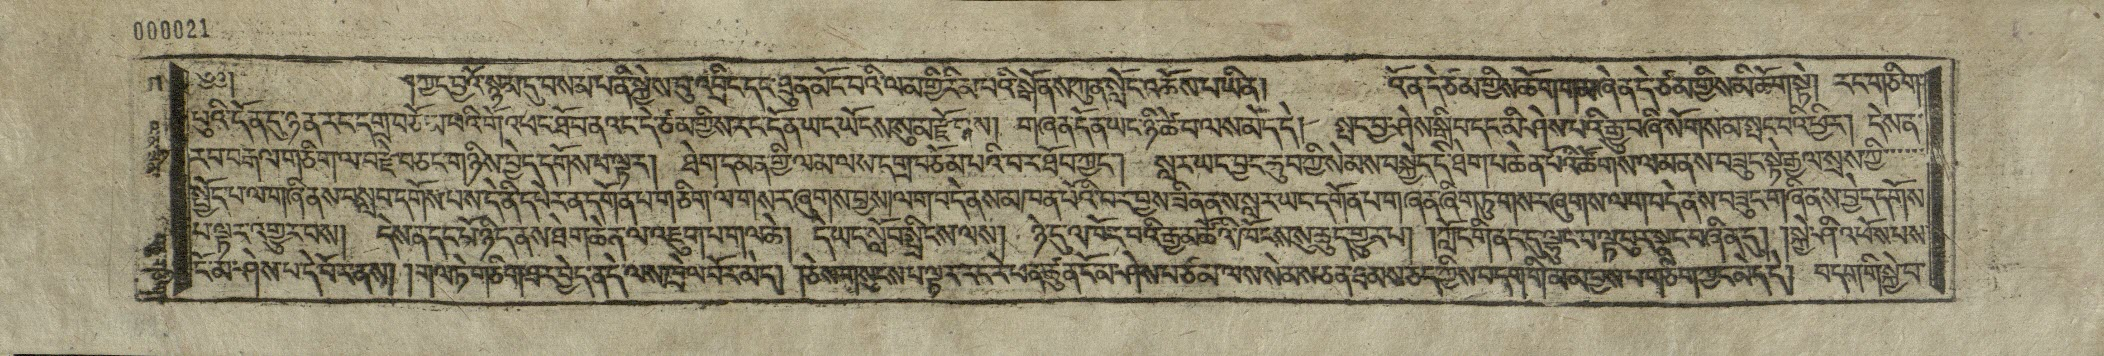༄༅། །ཀྱང་བྱའོ་སྙམ་དུ་བསམ་པ་ནི་སྐྱེས་བུ་འབྲིང་དང་ཐུན་མོང་བའི་ལམ་གྱི་རིམ་པའི་སྒོ་ནས་ཀུན་སློང་འཆོས་པ་ཡིན། འོ་ན་དེ་ཙམ་གྱིས་ཆོག་གམ་ཞེ་ན་དེ་ཙམ་གྱིས་མི་ཆོག་སྟེ། རང་གཅིག་
པུའི་དོན་དུ་ཉན་རང་དགྲ་བཅོམ་པའི་གོ་འཕང་ཐོབ་ནའང་དེ་ཙམ་གྱིས་རང་དོན་ཡང་ཡོངས་སུ་མ་རྫོགས། གཞན་དོན་ཡང་ཉི་ཚེ་བ་ལས་མེད་དེ། སྤང་བྱ་ཤེས་སྒྲིབ་དང་མི་ཤེས་པའི་རྒྱུ་བཞི་སོགས་མ་སྤང་བའི་ཕྱིར། དེས་ན་
རབ་བརྒལ་གཅིག་ལ་བརྫེ་བཅང་གཉིས་བྱེད་དགོས་པ་ལྟར། ཐེག་དམན་གྱི་ལམ་ལས་དགྲ་བཅོམ་པའི་བར་ཐོབ་ཀྱང་། སླར་ཡང་བྱང་ཆུབ་ཀྱི་སེམས་བསྐྱེད་དེ་ཐེག་པ་ཆེན་པོའི་ཚོགས་ལམ་ནས་བཟུང་སྟེ་རྒྱལ་སྲས་ཀྱི་
སྤྱོད་པ་ལ་གཞི་ནས་བསླབ་དགོས་པས་དེ་ནི་དཔེར་ན་དགོན་པ་གཅིག་ལ་གསར་ཞུགས་བྱས། ལག་བདེ་ནས་མཁན་པོའི་བར་བྱས་ཟིན་ནས་སླར་ཡང་དགོན་པ་གཞན་ཞིག་ཏུ་གསར་ཞུགས་ལག་བདེ་ནས་བཟུང་གཞི་ནས་བྱེད་དགོས་
པ་ལྟར་འགྱུར་བས། དེས་ན་དང་པོ་ཉིད་ནས་ཐེག་ཆེན་ལ་འཇུག་པ་གལ་ཆེ། དེ་ཡང་སློབ་སྤྲིངས་ལས། ཉེ་དུ་འཁོར་བའི་རྒྱ་མཚོའི་ཁོངས་སུ་ཆུད་གྱུར་པ། །ཀློང་གི་ནང་དུ་ལྷུང་བ་ལྟ་བུར་སྣང་བཞིན་དུ། །སྐྱེ་ཤི་འཕོས་པས་
ངོ་མ་ཤེས་པ་དེ་བོར་ནས། །གལ་ཏེ་གཅིག་ཐར་བྱེད་ན་དེ་ལས་ཁྲེལ་བོར་མེད། །ཅེས་གསུངས་པ་ལྟར་རང་རེ་ཕན་ཚུན་ངོ་མ་ཤེས་པ་ཙམ་ལས་སེམས་ཅན་ཐམས་ཅད་ཀྱིས་བདག་གི་མ་མ་བྱས་པ་གཅིག་ཀྱང་མེད་དེ། བདག་གི་སྐྱེ་བ་